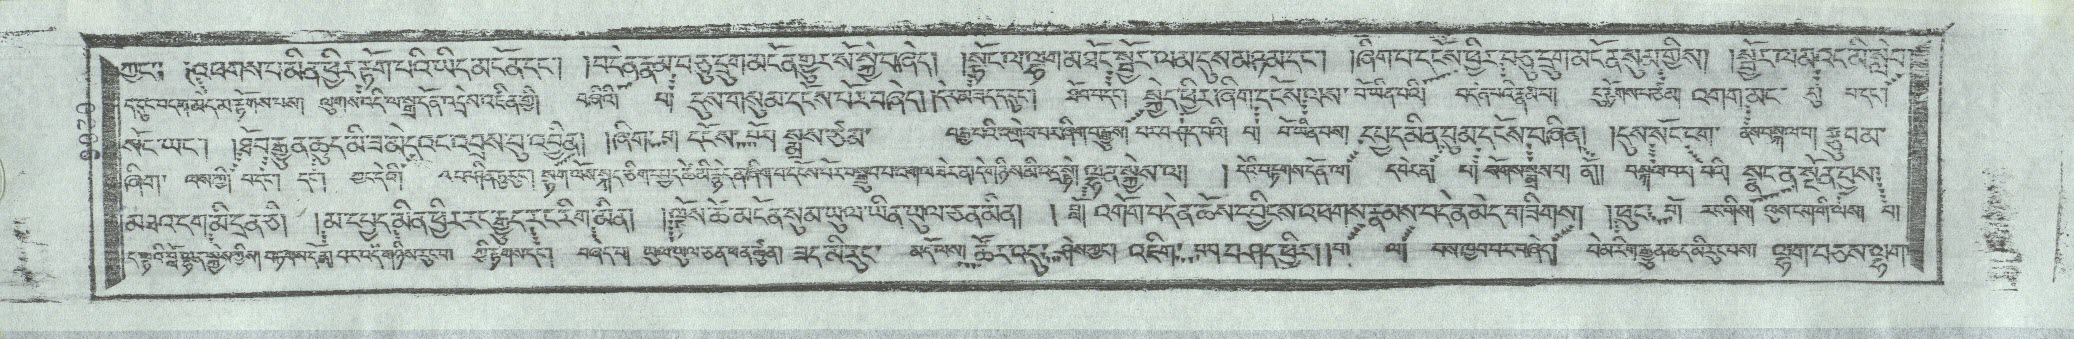ཀྱང་། །འཕགས་པ་མིན་ཕྱིར་རྟོག་པའི་ཡིད་མངོན་དང་། །བདེན་རྣམ་བཅུ་དྲུག་མངོན་གྱུར་སོ་སྐྱེ་བཞེད། །སྟོང་ལ་ལྷག་མཐོང་སྦྱོར་ལམ་དུས་མཉམ་དང་། །ཞིག་པ་དངོས་ཕྱིར་བཅུ་དྲུག་མངོན་སུམ་གྱིས། །སྦྱོར་ལམ་དུ་ལང་མི་སླེབས་
ད་དུང་བདག་མེད་མ་རྟོགས་པས། ལུགས་འདི་ལ་སྒྲ་དོན་འདྲེས་འཛིན་གྱི། བཞི་གི། བ། དུས་གསུམ་དངོས་པོར་བཞེད། །དེར་མྯད་ད་དུང་། ཐོབ་པ་དང་། །སྐྱེད་ཕྱིར་ཞིག་དངོས་ལས་པོ་ཡིན་པའི། བདེན་པའི་རྣམ་པ། དུ་ཆོས་པ་ཙམ་འགག་མང་། དུ། པ་དང་།
སོང་ཡང་། །ཐོབ་རྒྱུན་ཆུད་མི་ཟ་མེདཱང་འབྲས་བུ་འབྱིན། །ཞིག་པ། དངོས་པོར། སྨྲས་ཙམ་བརྒྱ་བའི་འགྲེལ་བར་ཞིན་པ་དྲུག་བར་བཤད་པའི། བ་བོ་ཡིན་པས། དཔྱད་མིན་བུམ་དངོས་བཞིན། །དུས་སོང་དག། ནས་བསྐལ་བ། རྩུབ་མ་
ཞིག་ལས་ཀྱི། པ་དང་། དང་། ཀྱང་དེའི། འཕ་སིན་ཏུ་རུང་། སྟག་འོས་སྐད་ཅིག་དབྱད་ཚེ་མི་རྙེད་ན་ཞིག་པ་དངོས་པར་བསྒྲུབ་པ་བག་ལ་ཟེར་ན་དེ་གཉིས་མི་འདྲ་སྟེ། ལྷན་སྐྱེས་ལ། །པོའི་བརྟགས་དོན་ལ། དབེར་ན། པ། སོགས་སྨྲས་པ། ནོ། །བསྐལ་བར། བའི་སྣང་ན་སྔོན་བས།
མཐའ་དག་མི་དྲན་ཅི། །མ་དཔྱད་མིན་ཕྱིར་རང་རྒྱུད་རང་རིག་མིན། །ལྟོས་ཚེ་མངོན་སུམ་ཡུལ་ཡིན་ཡུལ་ཅན་མིན། །བློ། འགོག་བདེན་ཆོས་དབྱིངས་འཐགས་རྣམས་བདེན་མེད་གཟིགས། །ཕུང་བོ། རང་གིས། ལུས་ངག་གིས་??་བ།
ད་ལྟའི་བློ་ལྷན་སྐྱེས་གྱིས། བགགས་དོན་པར་འདི་གཉིས་རུང་བ། ཀྱི་རྟགས་དང་། བཞེད་པ། ཡུལ་ཡུལ་ཅན་ཕན་ཚུ། ཟད་མི་རུང་མདོ་ལས། ཚོར་བདུར་ཤེས་ཀྱང་། འཇིག་བར། བཤད་ཕྱིར་བ། ?བས་ཁྱབ་བར་བཞེད། བེམ་རིག་རྒྱུན་ཆད་མི་རུང་བས། ལྟག་བཙས་ལྷག་